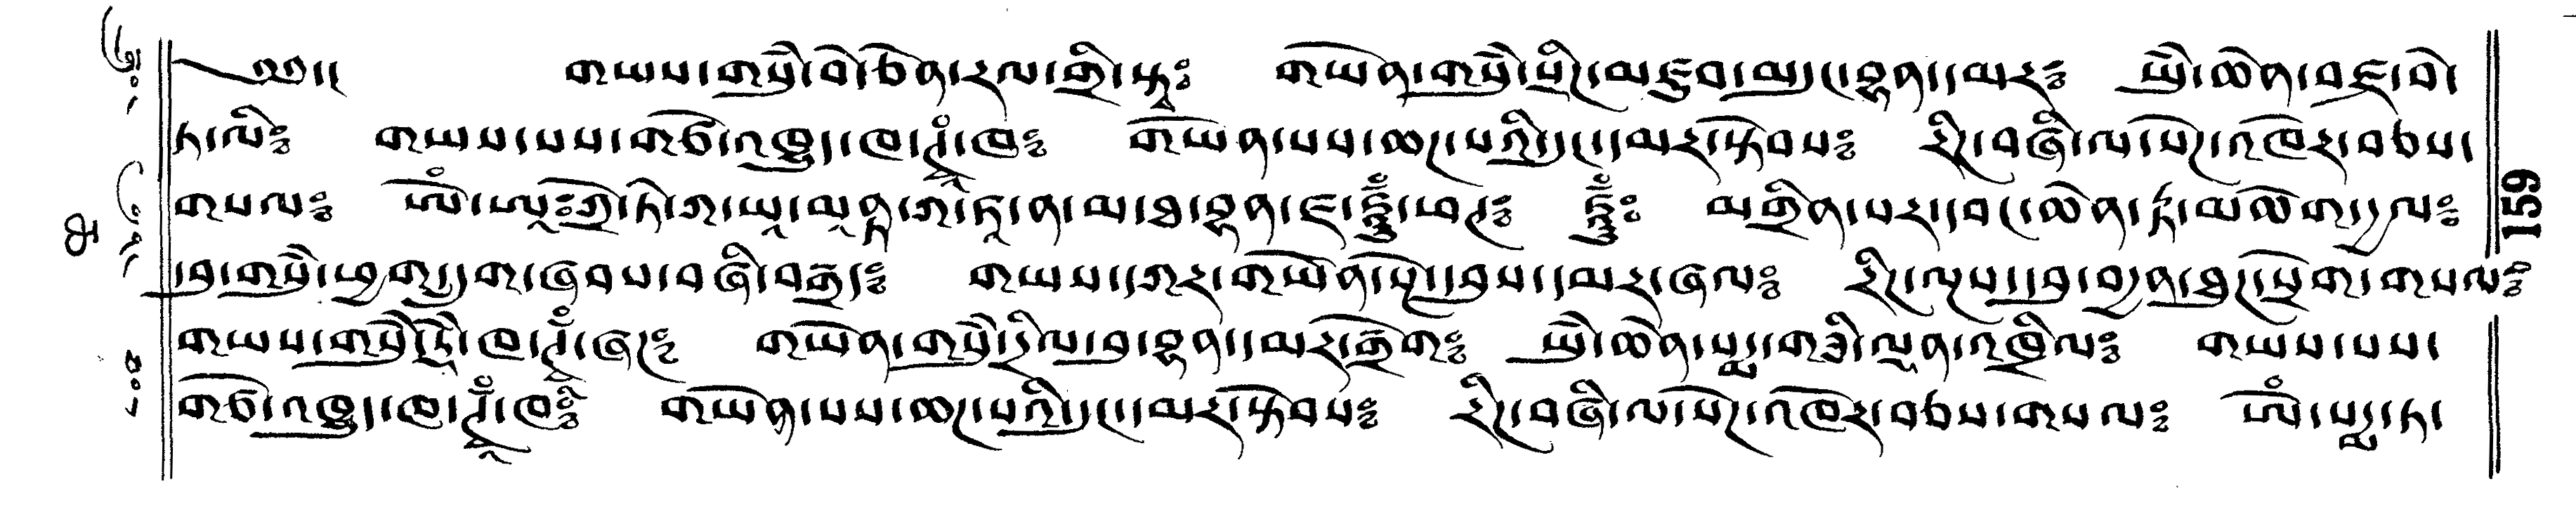གཡས་གསུམ་བེ་ཅོན་རལ་གྲི་སྟྭཿ གཡོན་གསུམ་སྡིགས་མཛུབ་མདུང་བྷན་དམར༔ ཡུམ་ཆེན་བཛྲ་བེ་
ཏ་ལི༔ གཡས་པས་གཙོ་འཁྱུད་ཁ་ཊྭཱཾ་ག༔ གཡོན་པས་ཆགས་པའི་དུང་དམར་སྟོབ༔ རིགས་བཞི་ལ་སོགས་འཁོར་བཅས་
གསལ༔ ཨོཾ་ཨཱཿཀྲོ་ཏེ་ཀ་ཡཱ་མཱནྟ་ཀ་ཧཱ་ན་མ་ཐ་བྷན་ཛ་ཧཱུྃ་ཕཊ༔ ཧཱུྃ༔ མགྲིན་པར་དབང་ཆེན་རྟ་མཆོག་རྒྱལ༔ 
དབུ་གསུམ་ཕྱག་དྲུག་ཞབས་བཞི་བསྒྲད༔ གཡས་དཀར་གཡོན་སྔོ་དབུས་དམར་ཞལ༔ རིགས་ལྔས་དབུ་བརྒྱན་ཐུགས་སྲོག་གསལ༔ 
གཡས་གསུམ་རྡོ་རྗེ་ཁ་ཊྭཱྃ་ཞགས༔ གཡོན་གསུམ་དྲིལ་བུ་བྷན་དམར་སྒྲོག༔ ཡུམ་ཆེན་པདྨ་གཟི་ལྡན་འཁྲིལ༔ གཡས་པས་
གཙོ་འཁྱུད་ཁ་ཊྭཱྃ་ག༔ གཡོན་པས་ཆགས་པའི་དུང་དམར་སྟོབ༔ རིགས་བཞི་ལ་སོགས་འཁོར་བཅས་གསལ༔ ཨོཾ་པདྨ་ཏ་